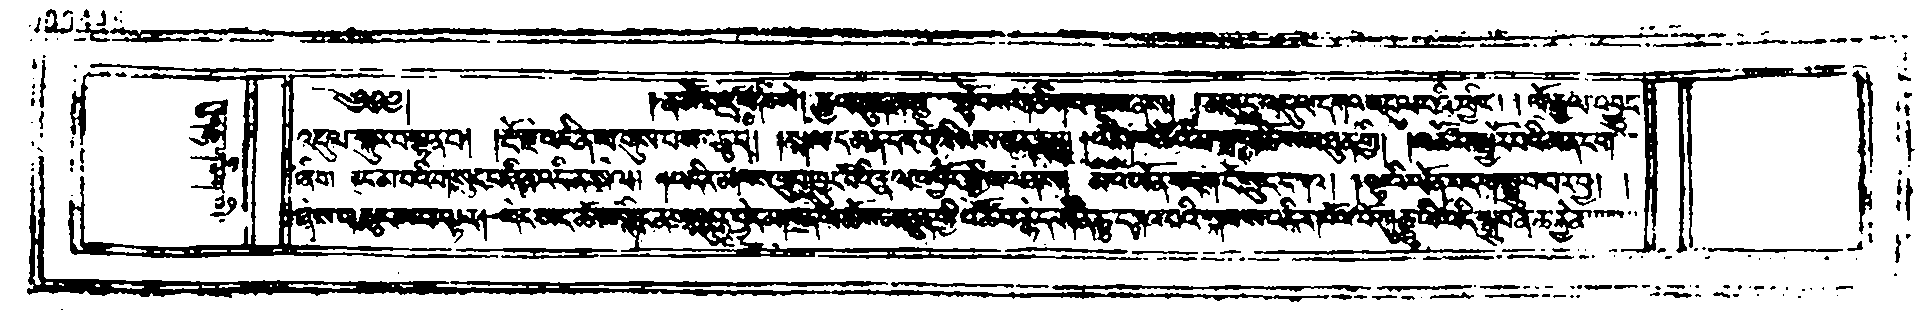༄༅༅། །ན་མོ་བཛྲ་པཱ་ཎི་ཡེ། རྒྱལ་ཀུན་མཐུ་སྟོབས་གཅིག་བསྡུས་ནས། །མ་རུངས་འདུལ་དཀའ་འདུལ་བའི་ཕྱིར། །ཁྲོ་རྒྱལ་འབྱུང་
འདུལ་སྐུར་བསྟན་པ། །རྡོ་རྗེ་འཛིན་ལ་གུས་པས་འདུད། །སྐལ་དམན་དང་པོའི་ལས་ཅན་རྣམས། །ལོག་འཚོའི་མ་སྦགས་ཆོས་མཐུན་གྱི། །འཚོ་བ་སྦྱོར་བའི་མན་ངག་
ཞིག ༑དམ་པའི་གསུང་བཞིན་འདི་ན་སྤེལ། །འདིར་མཁས་གྲུབ་ཁྱུང་བའི་རྣལ་འབྱོར་གྱི་ཞལ་ནས། མིའི་ཡོན་བདག་ངོ་སྲུང་དཀའ། །ལྷའི་ཡོན་བདག་སྒྲུབ་པར་བྱ། །
ཞེས་གསུངས་པ་ལྟར། དེང་སང་ཆོས་སྙིང་ནས་ལྷུར་བྱེད་མཁན་ལ་ཆོས་མཐུན་གྱི་འཚོ་བ་རྙེད་ཤིན་ཏུ་དཀའ་བའི་སྐབས་འདིར་ཁོལ་བོ་ཀུནྡྷ་ལི་འདི་སྒྲུབ་ན་ཆ་རྐྱེན་